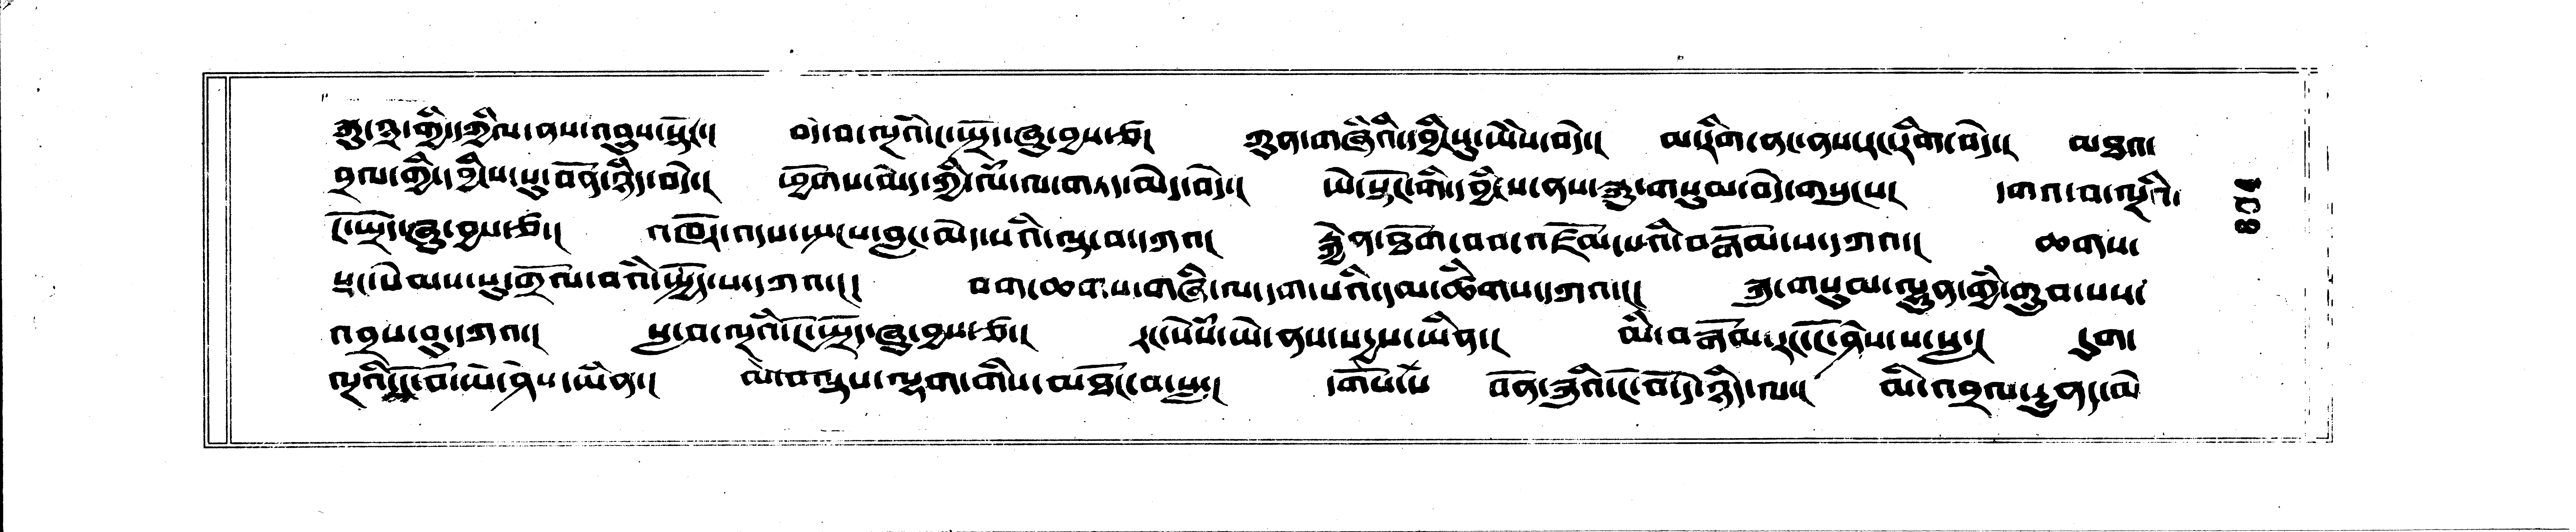སྐུ་གསུམ་གྱི་དཀྱིལ་ནས་འབྲས་བུ་སྟོང་། །བདེ་བ་ལྔའི་སྤྲོད་ཞུ་བྱས་ཙ། ཀུན་གཞིའི་དབྱིངས་སུ་ཡེ་ཤེས་བདེ། །མ་རིག་ནང་ནས་རང་རིག་བདེ། །མཐའ་
བྲལ་གྱི་དབྱིངས་སུ་བོན་ཉིད་བདེ། །ཕྱོགས་མེད་ཀྱི་ལམ་ལ་གཏད་མེད་བདེ། །ཡེ་སྟོང་གི་དབྱིངས་ནས་སྐུ་གསུམ་བདེ་གསུངས། །དཀའ་བ་ལྔའི་
ངོ་སྤྲོད་ཞུ་བྱས་ཙ། འཁོར་འདས་སྤང་བླང་མེད་པའི་ལྟ་བ་དཀའ། །རྐྱེན་ཐོག་བབ་འཛོམས་པའི་སྒོམ་པ་དཀའ། །ཆགས་
སྡང་སེམས་སུ་གྲོལ་བའི་སྤྱོད་པ་དཀའ། །བག་ཆགས་གཞི་ལ་དག་པའི་དམ་ཚིག་དཀའ། །སྐུ་གསུམ་ལྷུན་གྱིས་གྲུབ་པའི་
འབྲས་བུ་དཀའ། སླ་བ་ལྔའི་ངོ་སྤྲོད་ཞུ་བྱས་ཙ། རང་སེམས་ཡེ་ནས་སངས་རྒྱས་ཡིན། །མི་སྒོམ་རང་ངོ་ཤེས་པ་སླ། །དུག་
ལྔའི་ངོའོ་ཡེ་ཤེས་ཡིན། །མ་བལྟས་ལྷག་གིས་མཐོང་བ་སླ། །བོན་སྐུའི་ངོའོ་དེ་ཉིད་ལ། །མི་འབྲལ་རྒྱུན་ཆད་མེད་པ་